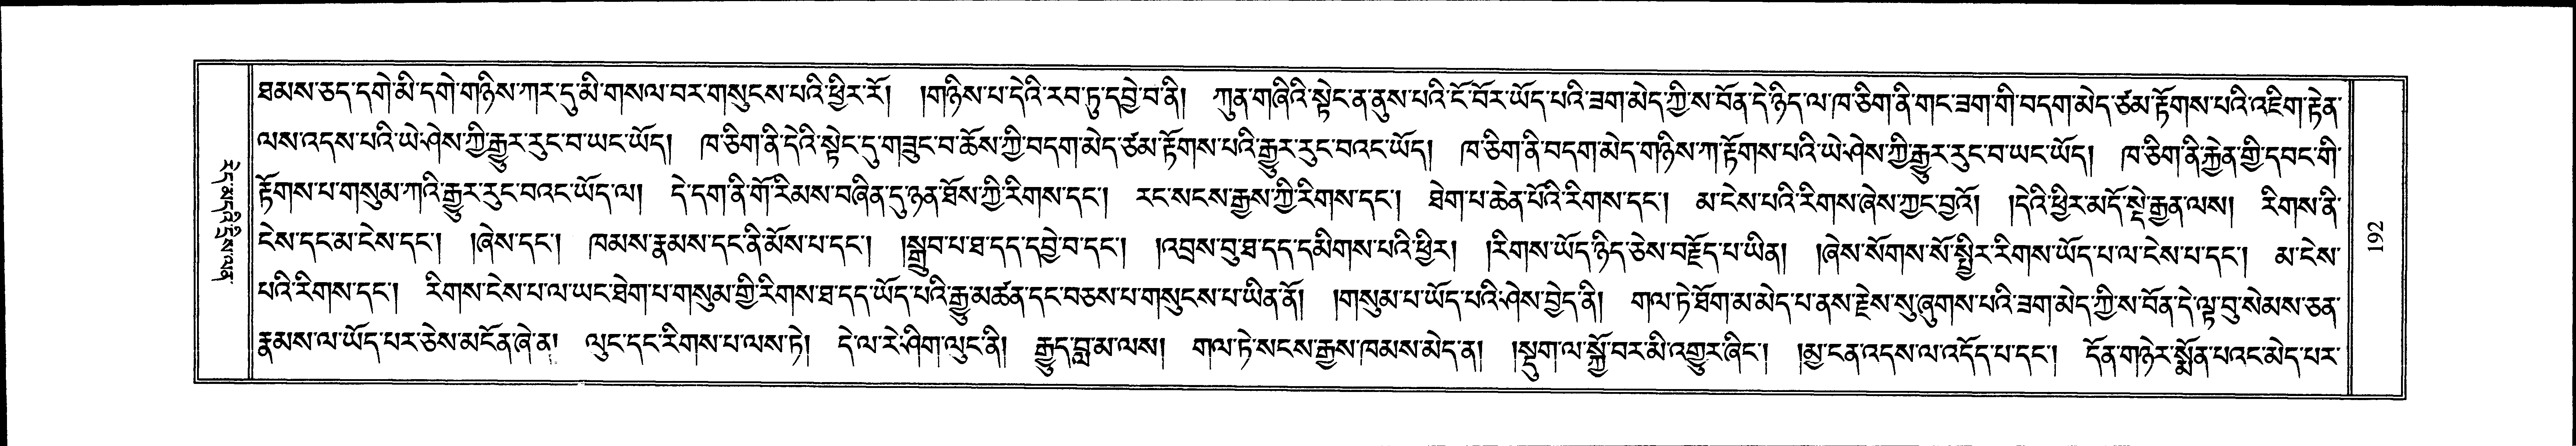ཐམས་ཅད་དགེ་མི་དགེ་གཉིས་ཀར་དུ་མི་གསལ་བར་གསུངས་པའི་ཕྱིར་རོ། །གཉིས་པ་དེའི་རབ་ཏུ་དབྱེ་བ་ནི། ཀུན་གཞིའི་སྟེང་ན་ནུས་པའི་ངོ་བོར་ཡོད་པའི་ཟག་མེད་ཀྱི་ས་བོན་དེ་ཉིད་ལ་ཁ་ཅིག་ནི་གང་ཟག་གི་བདག་མེད་ཙམ་རྟོགས་པའི་འཇིག་རྟེན་
ལས་འདས་པའི་ཡེ་ཤེས་ཀྱི་རྒྱུར་རུང་བ་ཡང་ཡོད། ཁ་ཅིག་ནི་དེའི་སྟེང་དུ་གཟུང་བ་ཆོས་ཀྱི་བདག་མེད་ཙམ་རྟོགས་པའི་རྒྱུར་རུང་བའང་ཡོད། ཁ་ཅིག་ནི་བདག་མེད་གཉིས་ཀ་རྟོགས་པའི་ཡེ་ཤེས་ཀྱི་རྒྱུར་རུང་བ་ཡང་ཡོད། ཁ་ཅིག་ནི་རྐྱེན་གྱི་དབང་གི་
རྟོགས་པ་གསུམ་ཀའི་རྒྱུར་རུང་བའང་ཡོད་ལ། དེ་དག་ནི་གོ་རིམས་བཞིན་དུ་ཉན་ཐོས་ཀྱི་རིགས་དང་། རང་སངས་རྒྱས་ཀྱི་རིགས་དང་། ཐེག་པ་ཆེན་པོའི་རིགས་དང་། མ་ངེས་པའི་རིགས་ཞེས་ཀྱང་བའོ། །དེའི་ཕྱིར་མདོ་སྡེ་རྒྱན་ལས། རིགས་ནི་
ངེས་དང་མ་ངེས་དང་། །ཞེས་དང་། ཁམས་རྣམས་དང་ནི་མོས་པ་དང་། །སྒྲུབ་པ་ཐ་དད་དབྱེ་བ་དང་། །འབྲས་བུ་ཐ་དད་དམིགས་པའི་ཕྱིར། །རིགས་ཡོད་ཉིད་ཅེས་བརྗོད་པ་ཡིན། །ཞེས་སོགས་སོ་སྤྱིར་རིགས་ཡོད་པ་ལ་ངེས་པ་དང་། མ་ངེས་
པའི་རིགས་དང་། རིགས་ངེས་པ་ལ་ཡང་ཐེག་པ་གསུམ་གྱི་རིགས་ཐ་དད་ཡོད་པའི་རྒྱུ་མཚན་དང་བཅས་པ་གསུངས་པ་ཡིན་ནོ། །གསུམ་པ་ཡོད་པའི་ཤེས་བྱེད་ནི། གལ་ཏེ་ཐོག་མ་མེད་པ་ནས་རྗེས་སུ་ཞུགས་པའི་ཟག་མེད་ཀྱི་ས་བོན་དེ་ལྟ་བུ་སེམས་ཅན་
རྣམས་ལ་ཡོད་པར་ཅེས་མངོན་ཞེ་ན། ལུང་དང་རིགས་པ་ལས་ཏེ། དེ་ལ་རེ་ཤིག་ལུང་ནི། རྒྱུད་བླ་མ་ལས། གལ་ཏེ་སངས་རྒྱས་ཁམས་མེད་ན། །སྡུག་ལ་སྐྱོ་བར་མི་འགྱུར་ཞིང་། །མྱ་ངན་འདས་ལ་འདོད་པ་དང་། དོན་གཉེར་སྨོན་པའང་མེད་པར་